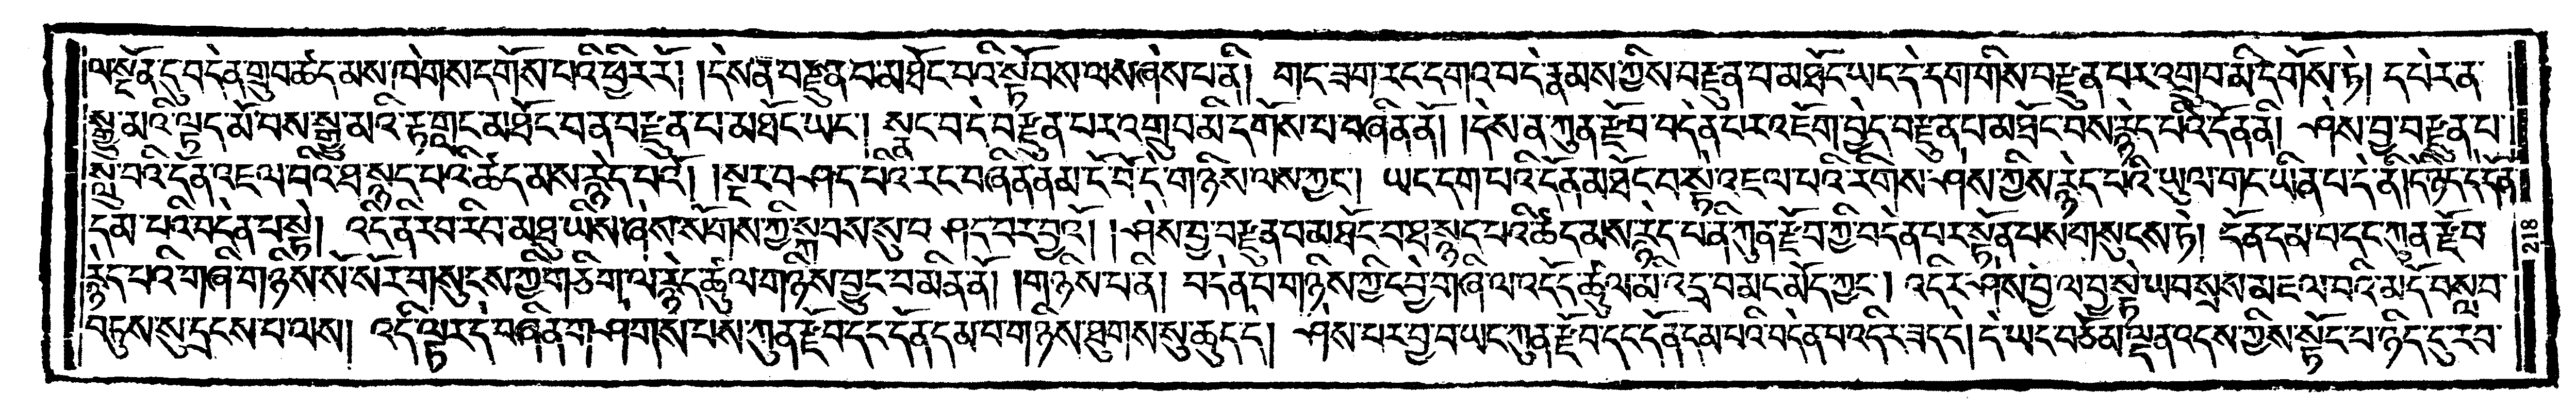ལ་སྔོན་དུ་བདེན་གྲུབ་ཚད་མས་ཁེགས་དགོས་པའི་ཕྱིར་རོ། །དེས་ན་བརྫུན་པ་མཐོང་བའི་སྟོབས་ལས་ཞེས་པ་ནི། གང་ཟག་རང་དགའ་བ་དེ་རྣམས་ཀྱིས་བརྫུན་པ་མཐོང་ཡང་དེ་དག་གིས་བརྫུན་པར་འགྲུབ་མི་དགོས་ཏེ། དཔེར་ན་
སྒྱུ་མའི་ལྟད་མོ་བས་སྒྱུ་མའི་རྟ་གླང་མཐོང་བ་ན་བརྫུན་པར་མཐོང་ཡང་། སྣང་བ་དེ་བརྫུན་པར་འགྲུབ་མི་དགོས་པ་བཞིན་ནོ། །དེས་ན་ཀུན་རྫོབ་བདེན་པར་འཇོག་བྱེད་བརྫུན་པ་མཐོང་བས་རྙེད་པའི་དོན་ནི། ཤེས་བྱ་བརྫུན་པ་
སླུ་བའི་དོན་འཇལ་བའི་ཐ་སྙད་པའི་ཚད་མས་རྙེད་པའོ། །སྔར་བཤད་པའི་རང་བཞིན་ནམ་ངོ་བོ་དེ་གཉིས་ལས་ཀྱང་། ཡང་དག་པའི་དོན་མཐོང་བ་སྟེ་འཇལ་བའི་རིགས་ཤེས་ཀྱིས་རྙེད་པའི་ཡུལ་གང་ཡིན་པ་དེ་ནི། དེ་ཉིད་དེ་དོན་
དམ་པའི་བདེན་པ་སྟེ། འདི་ནི་རབ་རིབ་མཐུ་ཡིས་ཞེས་སོགས་ཀྱི་སྐབས་སུ་བཤད་པར་བྱའོ། །ཤེས་བྱ་བརྫུན་པ་མཐོང་བ་ཐ་སྙད་པའི་ཚད་མས་རྙེད་པ་ནི་ཀུན་རྫོབ་ཀྱི་བདེན་པར་སྟོན་པས་གསུངས་ཏེ། དོན་དམ་པ་དང་ཀུན་རྫོབ་
རྙེད་པའི་གཞི་གཉིས་སོ་སོར་གསུངས་ཀྱི་གཅིག་ལ་རྙེད་ཚུལ་གཉིས་བྱུང་བ་མིན་ནོ། །གཉིས་པ་ནི། བདེན་པ་གཉིས་ཀྱི་དབྱེ་གཞི་ལ་འདོད་ཚུལ་མི་འདྲ་བ་མང་མོད་ཀྱང་། འདིར་ཤེས་བྱ་ལ་བྱ་སྟེ་ཡབ་སྲས་མཇལ་བའི་མདོ་བསླབ་
བཏུས་སུ་དྲངས་པ་ལས། འདི་ལྟར་དེ་བཞིན་གཤེགས་པས་ཀུན་རྫོབ་དང་དོན་དམ་པ་གཉིས་ཐུགས་སུ་ཆུད་དེ། ཤེས་པར་བྱ་བ་ཡང་ཀུན་རྫོབ་དང་དོན་དམ་པའི་བདེན་པ་འདིར་ཟད་དེ། དེ་ཡང་བཅོམ་ལྡན་འདས་ཀྱིས་སྟོང་པ་ཉིད་དུ་རབ་